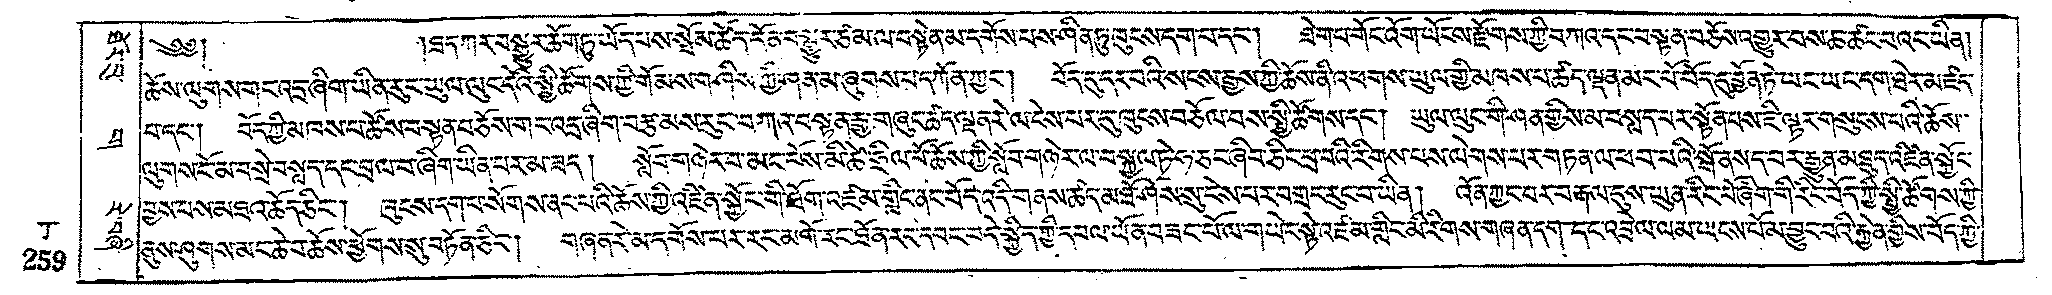༄༅། །ཐད་ཀར་བསྒྱུར་ཆོག་ཏུ་ཡོད་པས་སྤོམ་ཚོད་དོན་བསྒྱུར་ཙམ་ལ་བསྟེན་མ་དགོས་པས་ཤིན་ཏུ་ཁུངས་དག་པ་དང་། ཐེག་པ་གོང་འོག་ཡོངས་རྫོགས་ཀྱི་བཀའ་དང་བསྟན་བཅོས་འགྱུར་བས་ཆ་ཚང་བའང་ཡིན།
ཆོས་ལུགས་གང་འདྲ་ཞིག་ཡིན་རུང་ཡུལ་ལུང་དེའི་སྤྱི་ཚོགས་ཀྱི་གོམས་གཤིས་ཀྱི་ཤན་མ་ཞུགས་པ་དཀོན་ཀྱང་། བོད་དུ་དར་བའི་སངས་རྒྱས་ཀྱི་ཆོས་ནི་འཕགས་ཡུལ་གྱི་མཁས་པ་ཚད་ལྡན་མང་པོ་བོད་དུ་བྱོན་ཏེ་ཡང་ཡང་དག་ཐེར་མཛད་
པ་དང་། བོད་ཀྱི་མཁས་པ་ཚོས་བསྟན་བཅོས་གང་འདྲ་ཞིག་བརྩམས་རུང་བཀའ་བསྟན་རྒྱ་གཞུང་ཚད་ལྡན་རེ་ལ་ངེས་པར་དུ་ཁུངས་བཅོལ་བས་སྤྱི་ཚོགས་དང་། ཡུལ་ལུང་གི་ཤན་གྱིས་མ་བསླད་པར་སྟོན་པས་ཇི་ལྟར་གསུངས་པའི་ཆོས་་་
ལུགས་ངོ་མ་བསྲེ་བསླད་དང་བྲལ་བ་ཞིག་ཡིན་པར་མ་དད། སློབ་གཉེར་བ་མང་པོས་མི་ཚེ་ཧྲིལ་པོ་ཆོས་ཀྱི་སློབ་གཉེར་ལ་བསྐྱལ་ཏེ་ཧ་ཅང་ཞིབ་ཅིང་ཕྲ་བའི་རིགས་པས་ལེགས་པར་གཏན་ལ་ཕབ་པའི་སྒོ་ནས་ད་བར་རྒྱུན་མཐུད་འཛིན་སྐྱོང་
བྱས་པས་མཐའ་ཆོད་ཅིང་། ཁུངས་དག་པ་སོགས་ནང་པའི་ཆོས་ཀྱི་འཛིན་སྐྱོང་གི་ཐོག་འཛམ་གླིང་ནང་བོད་འདི་གནས་ཚད་མཐོ་ཤོས་སུ་ངེས་པར་བགྲང་རུང་བ་ཡིན། འོན་ཀྱང་བར་བརྒལ་དུས་ཡུན་རིང་པོ་ཞིག་གི་རིང་བོད་ཀྱི་སྤྱི་ཚོགས་ཀྱི་
ནུས་ཤུགས་མང་ཆེ་བ་ཆོས་ཕྱོགས་སུ་བཏོན་ཅིང་། གཞན་རེ་མ་དགོས་པར་རང་མགོ་རང་ཐོན་རང་དབང་བདེ་སྐྱིད་ཀྱི་དཔལ་ཡོན་བཟང་པོ་ལ་གཡེང་སྟེ་འཛམ་གླིང་མི་རིགས་གཞན་དག་དང་འབྲེལ་ལམ་ཡངས་པོ་མ་བྱུང་བའི་རྐྱེན་གྱིས་བོད་ཀྱི་